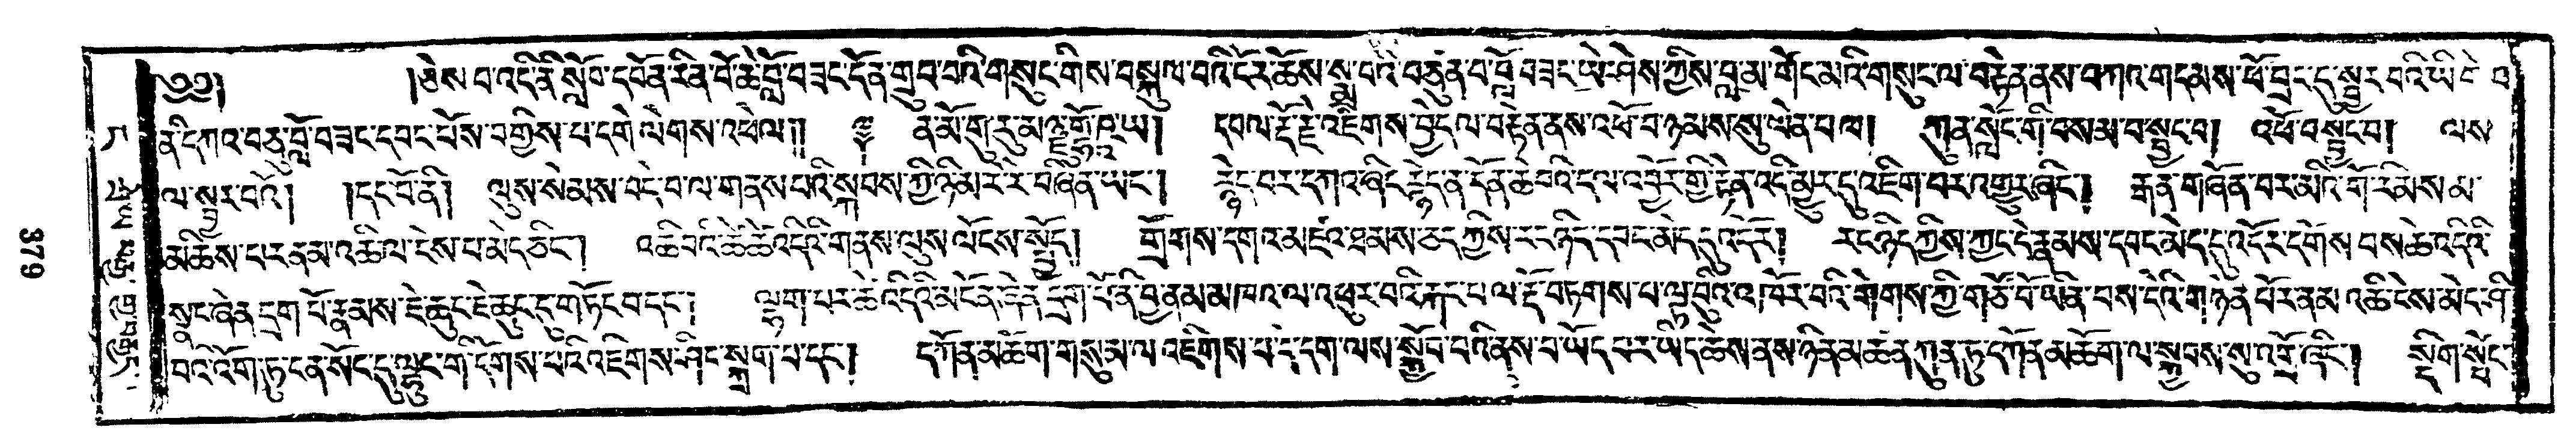༄༅། །ཅེས་པ་འདི་ནི་སློབ་དཔོན་རིན་པོ་ཆེ་བློ་བཟང་དོན་གྲུབ་པའི་གསུང་གིས་བསྐུལ་པའི་ངོ་ཆོས་སྨྲ་པའི་བཙུན་བ་བློ་བཟང་ཡེ་ཤེས་ཀྱིས་བླ་མ་གོང་མའི་གསུང་ལ་བརྟེན་ནས་བཀའ་གདམས་ཕོ་བྲང་དུ་སྦྱར་པའི་ཡེ་གེ་བ་
ནི་དཀའ་བཅུ་བློ་བཟང་དབང་པོས་བགྱིས་བ་དགེ་ལེགས་འཕེལ།། ༈ ན་མོ་གུ་རུ་མཉྫུ་གྷོ་ཥཱ་ཡ། །དཔལ་རྡོ་རྗེ་འཇིགས་བྱེད་ལ་བརྟེན་ནས་འཕོ་བ་ཉམས་སུ་ལེན་པ་ལ། ཀུན་སློང་གི་བསམ་པ་སྦྱང་བ། འཕོ་བ་སྦྱང་བ། ལས་
ལ་སྦྱར་པའོ། །དང་པོ་ནི། ལུས་སེམས་བདེ་བ་ལ་གནས་པའི་སྐབས་ཀྱི་ཉི་མ་རེ་རེ་བཞིན་ཡང་། རྙེད་བར་དཀའ་ཞིང་རྙེད་ན་དོན་ཆེ་བའི་དལ་འབྱོར་གྱི་རྟེན་འདི་མྱུར་དུ་འཇིག་པར་འགྱུར་ཞིང་། །རྒན་གཞོན་བར་མའི་འོག་རིམས་མ་
མཆིས་པར་ནམ་འཆིལ་ངེས་པ་མེད་ཅིང་། །འཆི་བའི་ཚེ་ཚེ་འདིའི་གནས་ལུས་ལོངས་སྤྱོད། །གྲོགས་དགའ་མཛའ་ཐམས་ཅད་ཀྱིས་རང་ཉིད་དབང་མེད་དུ་འདོར། །རང་ཉིད་ཀྱིས་ཀྱང་དེ་རྣམས་དབང་མེད་དུ་འདོར་དགོས་པས་ཆེ་འདིའི་
སྣང་ཞེན་དྲག་པོ་རྣམས་ཇེ་ཆུང་ཇེ་ཆུང་དུ་གཏོང་པ་དང་། ལྷག་པར་ཚེ་འདིའི་མངོན་ཞེན་དྲག་པོ་ནི་བྱ་ནམ་མཁའ་ལ་འཕུར་པའི་རྐང་པ་ལ་རྡོ་བཏགས་པ་ལྟ་བུའི་འཁོར་པའི་གེགས་ཀྱི་གཙོ་བོ་ཡིན་པས་དེའི་གཉེན་པོར་ནམ་འཆི་ངེ་མེད་ཤིང་
པའི་འོག་ཏུ་ངན་སོང་དུ་ལྷུང་གི་དོགས་པའི་འཇིགས་ཤིང་སྐྲག་པ་དང་། དཀོན་མཆོག་གསུམ་ལ་འཇིགས་པ་དེ་དག་ལས་སྐྱབ་པའི་ནས་པ་ཡོད་པར་ཡིད་ཆེས་ནས་ཉིན་མཚན་ཀུན་དུ་དཀོན་མཆོག་ལ་སྐྱབས་སུ་འགྲོ་ཞིང་། སྡིག་སྤོང་